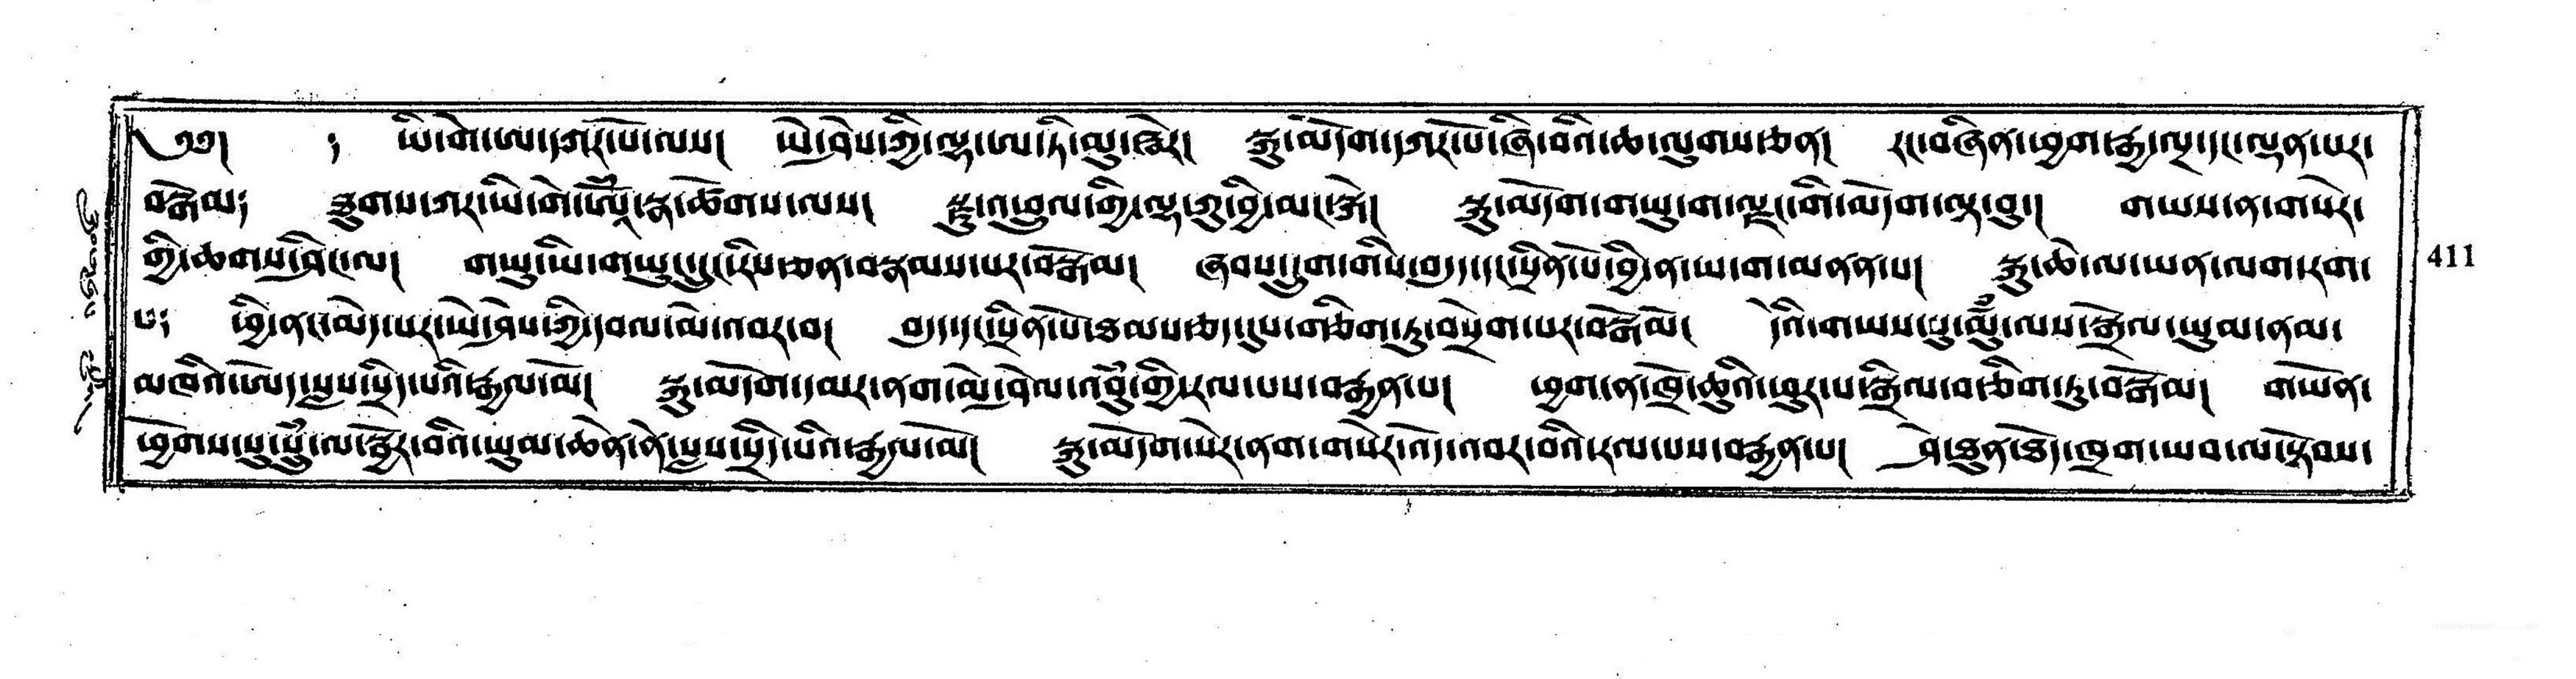ཡི་གེ་ཨ་དཀར་པོ་ལས། ཡེ་ཤེས་ཀྱི་ལྷ་ཨ་ཏི་མུ་ཝེར། སྐུ་མདོག་དཀར་པོ་ཞི་བའི་ཆ་ལུགས་ཅན། རང་བཞིན་ཕྱག་རྒྱ་ལྔ་དང་ལྡན་པར་
བསྒོམ།། ཐུགས་ཀར་ཡི་གེ་ཨཱོཾ་སྣ་ཚོགས་པ་ལས། རྫུ་འཕྲུལ་གྱི་ལྷ་ཀུ་བྱི་མང་སྐེ། སྐུ་མདོག་གཡུ་ག་ལྗང་གི་མདོག་ལྟ་བུ། གཡས་ན་གསེར་
གྱི་ཆགས་ཤིང་ལ། གཡུ་ཡི་གཡུང་དྲུང་རིས་ཅན་བསྣམས་པར་བསྒོམ། ཞབས་དྲུག་གིས་བདུད་དང་སྲིན་པོ་བྱི་ན་ཡ་ག་མནན་པ། སྐུ་ཆེ་ལ་ཡན་ལག་རག་
པ། ཕྱི་ནང་མེད་པར་ཡེ་ཤེས་ཀྱི་དབལ་མེ་འབར་བ། བདུད་དང་སྲིན་པོ་ཐམས་ཅད་དུས་གཅིག་ཏུ་བསྲེག་པར་བསྒོམ་མོ།། དེའི་གཡས་སུ་མུྃ་ལས་སྒྲོལ་ཡུམ་ནམ་
མཁའི་ཨོད་སླས་སྲིད་པའི་རྒྱལ་མོ། སྐུ་མདོག་དམར་ནག་མེ་ཤེལ་འབུམ་གྱི་རལ་པས་བརྒྱན་པ། ཕྱག་ན་ཁྲོ་ཆུའི་ཕུར་པ་སྒྲིལ་བ་ཅིག་ཏུ་བསྒོམ། གཡོན་
ཕྱོགས་སུ་སྲུྃ་ལས་སྦྱོར་བའི་ཡུམ་ཆེན་ནེ་སླས་སྲིད་པའི་རྒྱལ་མོ། སྐུ་མདོག་སེར་ནག་གསེར་འོད་འབར་བའི་རལ་པས་བརྒྱན་པ། ཤེ་ཐུན་ཐོད་ཁྲག་ཡབ་ལ་སྟོབས་